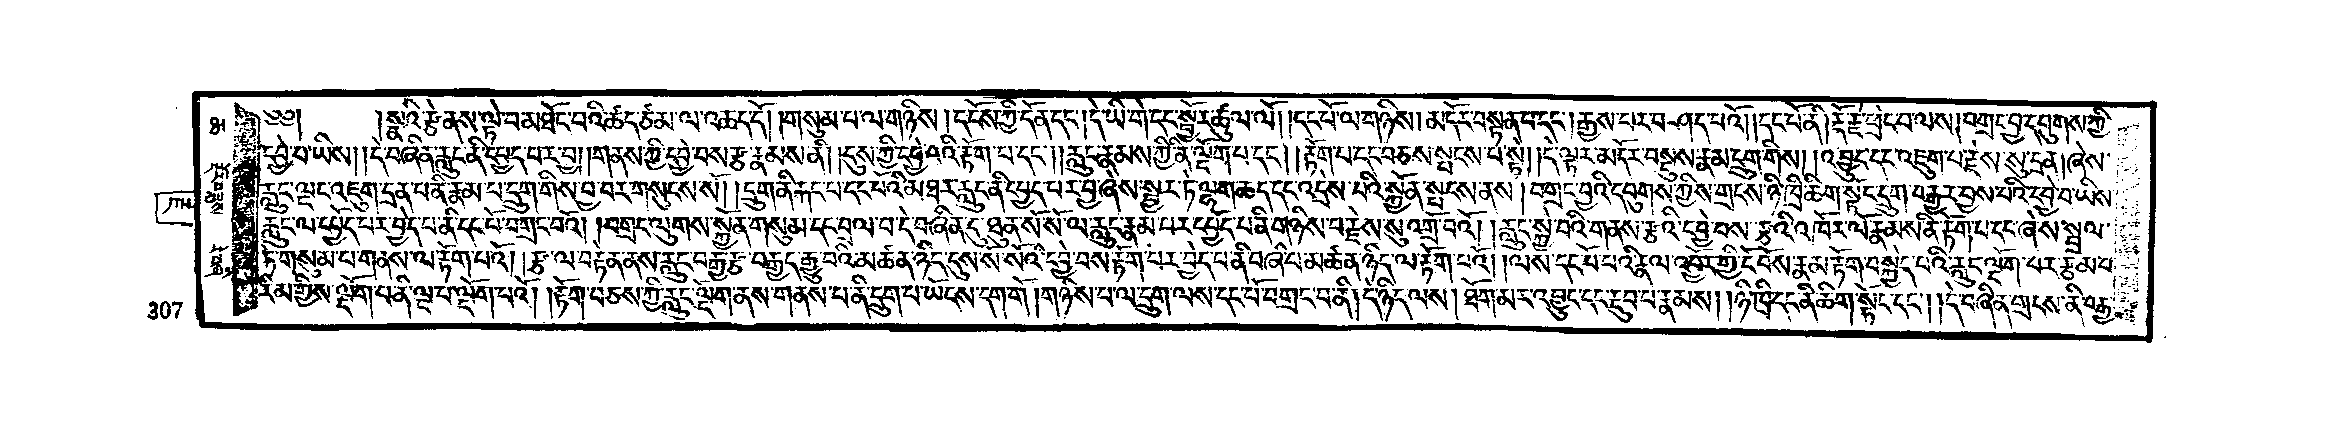༄༅། །སྣའི་རྩེ་ནས་ལྟེ་བ་མཐོང་བའི་ཚད་ཙམ་ལ་འཆད་དོ། །གསུམ་པ་ལ་གཉིས། །དངོས་ཀྱི་དོན་དང་། དེ་ཡི་གེ་དང་སྦྱོར་ཚུལ་ལོ། །དང་པོ་ལ་གཉིས། མདོར་བསྟན་པ་དང་། རྒྱས་པར་བཤད་པའོ། །དང་པོ་ནི། རྡོ་རྗེ་ཕྲེང་བ་ལས། བགྲང་བྱ་དབུགས་ཀྱི་
དབྱེ་བ་ཡིས། །དེ་བཞིན་རླུང་ནི་དཔྱད་པར་བྱ། །གནས་ཀྱི་དབྱེ་བས་རྩ་རྣམས་ནི། །དུས་ཀྱི་དབྱེ་བའི་རྟོག་པ་དང་། །རླུང་རྣམས་ཀྱི་ནི་ལྡོག་པ་དང་། །རྟོག་པ་དང་བཅས་སྤངས་པ་སྟེ། །དེ་ལྟར་མདོར་བསྡུས་རྣམ་དྲུག་གིས། །འབྱུང་དང་འཇུག་པ་རྗེས་སུ་དྲན། ཞེས་
རླུང་ལྡང་འཇུག་དྲན་པ་ནི་རྣམ་པ་དྲུག་གིས་བྱ་བར་གསུངས་སོ། །དྲུག་ནི་རྐང་པ་དང་པོའི་མཐར་རླུང་ནི་དཔྱད་པར་བྱ་ཞེས་སྦྱར་ཏེ་ལྷག་ཆད་དང་འདྲེས་པའི་སྐྱོན་སྤངས་ནས། བགྲང་བྱའི་དབུགས་ཀྱིས་གྲངས་ཉི་ཁྲི་ཆིག་སྟོང་དྲུག་བརྒྱར་བྱས་པའི་དབྱེ་བ་ཡིས་
རླུང་ལ་དཔྱོད་པར་བྱེད་པ་ནི་དང་པོ་བགྲང་བའོ། །བགྲང་ལུགས་སྐྱོན་གསུམ་དང་བྲལ་བ་དེ་བཞིན་དུ་ཐུན་སོ་སོ་ལ་རླུང་རྣམ་པར་དཔྱོད་པ་ནི་གཉིས་པ་རྗེས་སུ་འགྲོ་བའོ། །རླུང་སྐྱེ་བའི་གནས་རྩའི་དབྱེ་བས་རྩའི་འཁོར་ལོ་རྣམས་ནི་རྟོག་པ་དང་ཞེས་སྤྲེལ་
ཏེ་གསུམ་པ་གནས་ལ་རྟོག་པའོ། །རྩ་ལ་བརྟེན་ནས་རླུང་བརྒྱ་རྩ་བརྒྱད་རྒྱུ་བའི་མཚན་ཉིད་དུས་སོ་སོའི་དབྱེ་བས་རྟོག་པར་བྱེད་པ་ནི་བཞི་པ་མཚན་ཉིད་ལ་རྟོག་པའོ། །ལས་དང་པོ་པའི་རྣལ་འབྱོར་གྱི་ངོ་བོས་རྣམ་རྟོག་བསྐྱེད་པའི་རླུང་ལྡོག་པར་རྩམ་པ་
རིམ་གྱིས་ལྡོག་པ་ནི་ལྔ་པ་ལྡོག་པའོ། །རྟོག་བཅས་ཀྱི་རླུང་ལྡོག་ནས་གནས་པ་ནི་དྲུག་པ་ཡོངས་དག་གོ །གཉིས་པ་ལ་དྲུག་ལས་དང་པོ་བགྲང་བ་ནི། དེ་ཉིད་ལས། ཐོག་མར་འབྱུང་དང་རྔུབ་པ་རྣམས། །ཉི་ཁྲི་དང་ནི་ཆིག་སྟོང་དང་། །དེ་བཞིན་གྲངས་ནི་བརྒྱ་